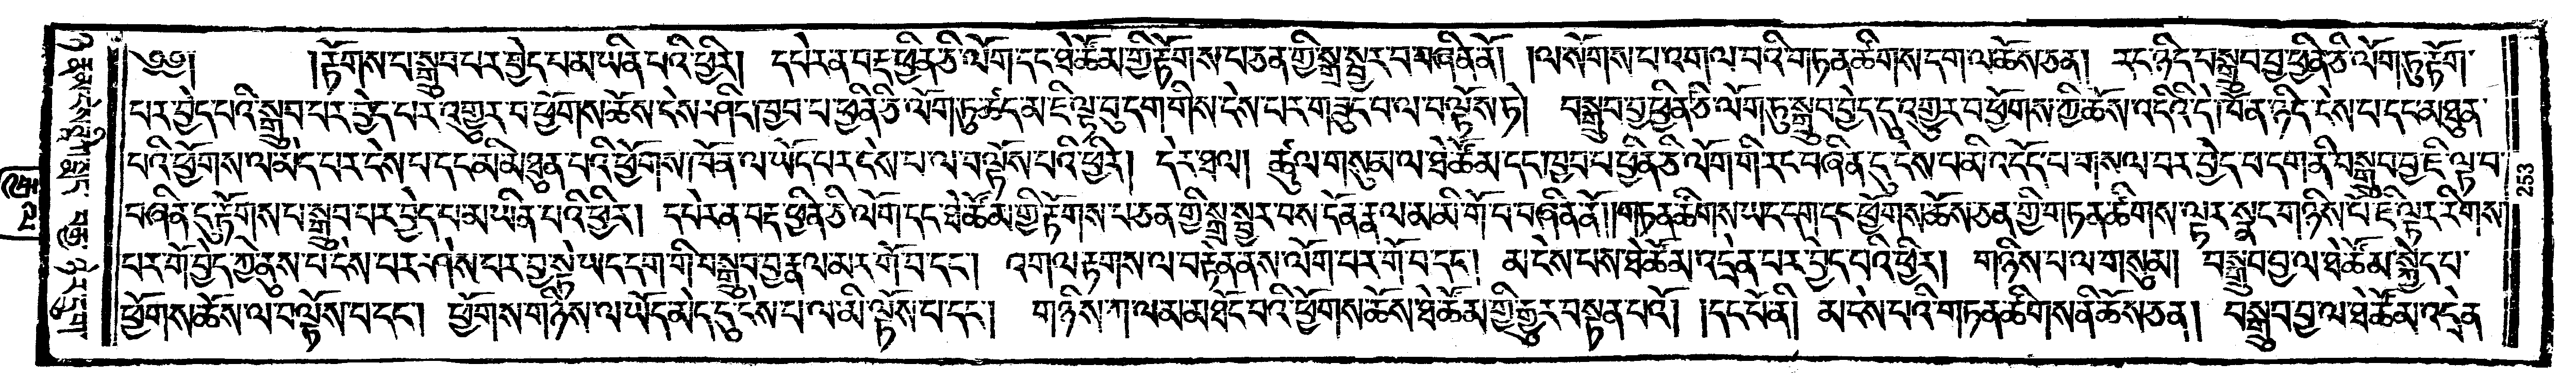༄༅། །རྟོགས་པ་སྒྲུབ་པར་བྱེད་པ་མ་ཡིན་པའི་ཕྱིར། དཔེར་ན་བརྡ་ཕྱིན་ཅི་ལོག་དང་ཐེ་ཚོམ་གྱི་རྟོགས་པ་ཅན་གྱི་སྒྲ་སྦྱར་བ་བཞིན་ནོ། །ལ་སོགས་པ་འགལ་བའི་གཏན་ཚིགས་དག་ལ་ཆོས་ཅན། རང་ཉིད་བསྒྲུབ་བྱ་ཕྱིན་ཅི་ལོག་ཏུ་རྟོག་
པར་བྱེད་པའི་སྒྲུབ་པར་བྱེད་པར་འགྱུར་བ་ཕྱོགས་ཆོས་ངེས་ཤིང་ཁྱབ་པ་ཕྱིན་ཅི་ལོག་ཏུ་ཚད་མ་ཇི་ལྟ་བུ་དག་གིས་ངེས་པར་གཟུང་བ་ལ་བལྟོས་ཏེ། བསྒྲུབ་བྱ་ཕྱིན་ཅི་ལོག་ཏུ་བསྒྲུབ་བྱེད་དུ་འགྱུར་བ་ཕྱོགས་ཀྱི་ཆོས་འདིའི་དེ་ཁོ་ན་ཉིད་ངེས་པ་དང་མཐུན་
པའི་ཕྱོགས་ལ་མེད་པར་ངེས་པ་དང་མི་མཐུན་པའི་ཕྱོགས་ཁོ་ན་ལ་ཡོད་པར་ངེས་པ་ལ་བལྟོས་པའི་ཕྱིར། དེར་ཐལ། ཚུལ་གསུམ་ལ་ཐེ་ཚོམ་དང་ཁྱབ་པ་ཕྱིན་ཅི་ལོག་གི་རང་བཞིན་དུ་ངེས་པ་མི་འདོད་པ་གསལ་བར་བྱེད་པ་དག་ནི་བསྒྲུབ་བྱ་ཇི་ལྟ་བ་
བཞིན་དུ་རྟོགས་པ་སྒྲུབ་པར་བྱེད་པ་མ་ཡིན་པའི་ཕྱིར། དཔེར་ན་བརྡ་ཕྱིན་ཅི་ལོག་དང་ཐེ་ཚོམ་གྱི་རྟོགས་པ་ཅན་གྱི་སྒྲ་སྦྱར་བས་དོན་རྣལ་མ་མི་གོ་བ་བཞིན་ནོ། །གཏན་ཚིགས་ཡང་དག་དང་ཕྱོགས་ཆོས་ཅན་གྱི་གཏན་ཚིགས་ལྟར་སྣང་གཉིས་པོ་ཇི་ལྟར་རིགས་
པར་གོ་བྱེད་ཀྱི་ནུས་པ་ངེས་པར་ཤེས་པར་བྱ་སྟེ་ཡང་དག་གི་བསྒྲུབ་བྱ་རྣལ་མར་གོ་བ་དང་། འགལ་རྟགས་ལ་བརྟེན་ནས་ལོག་པར་གོ་བ་དང་། མ་ངེས་པས་ཐེ་ཚོམ་འདྲེན་པར་བྱེད་པའི་ཕྱིར། གཉིས་པ་ལ་གསུམ། བསྒྲུབ་བྱ་ལ་ཐེ་ཚོམ་སྐྱེད་པ་
ཕྱོགས་ཆོས་ལ་བལྟོས་པ་དང་། ཕྱོགས་གཉིས་ལ་ཡོད་མེད་དུ་ངེས་པ་ལ་མི་ལྟོས་པ་དང་། གཉིས་ཀ་ལ་མ་མཐོང་པའི་ཕྱོགས་ཆོས་ཐེ་ཚོམ་གྱི་རྒྱུར་བསྟན་པའོ། །དང་པོ་ནི། མ་ངེས་པའི་གཏན་ཚིགས་ནི་ཆོས་ཅན། བསྒྲུབ་བྱ་ལ་ཐེ་ཚོམ་འདྲེན་